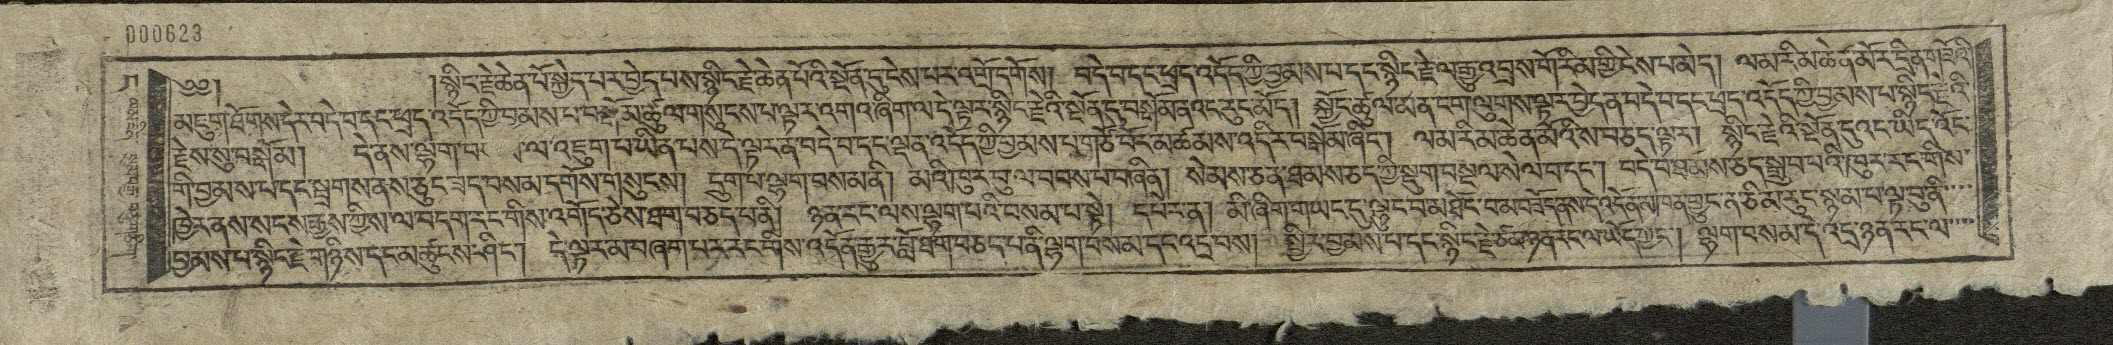༄༅། །སྙིང་རྗེ་ཆེན་པོ་སྐྱེད་པར་བྱེད་པས་སྙིང་རྗེ་ཆེན་པོའི་སྔོན་དུ་ངེས་པར་འགྲོ་དགོས། བདེ་བ་དང་ཕྲད་འདོད་ཀྱི་བྱམས་པ་དང་སྙིང་རྗེ་ལ་རྒྱུ་འབྲས་གོ་རིམ་གྱི་ངེས་པ་མེད། ལམ་རིམ་ཆེན་མོར་དྲིན་གཟོའི་
མཇུག་ཐོགས་དེར་བདེ་བ་དང་ཕྲད་འདོད་ཀྱི་བྱམས་པ་བསྒོམ་ཚུལ་གསུངས་པ་ལྟར་འགའ་ཞིག་ལ་དེ་ལྟར་སྙིང་རྗེའི་སྔོན་དུ་བསྒོམ་ནའང་རུང་མོད། སྐྱོང་ཚུལ་མན་ངག་ལུགས་ལྟར་བྱེད་ན་བདེ་བ་དང་ཕྲད་འདོད་ཀྱི་བྱམས་པ་སྙིང་རྗེའི་
རྗེས་སུ་བསྒོམ། དེ་ནས་ལྷག་བསམ་ལ་འཇུག་པ་ཡིན་པས་དེ་ལྟར་ན་བདེ་བ་དང་ལྡན་འདོད་ཀྱི་བྱམས་པ་གཙོ་བོར་མཚམས་འདིར་བསྒོམ་ཞིང་། ལམ་རིམ་ཆེན་མོའི་ས་བཅད་ལྟར། སྙིང་རྗེའི་སྔོན་དུའང་ཡིད་འོང་
གི་བྱམས་པ་དང་སྦྲགས་ནས་ཅུང་ཟད་བསམ་དགོས་གསུངས། དྲུག་པ་ལྷག་བསམ་ནི། མའི་ཁུར་བུ་ལ་བབས་པ་བཞིན། སེམས་ཅན་ཐམས་ཅད་ཀྱི་སྡུག་བསྔལ་སེལ་བ་དང་། བདེ་བ་ཐམས་ཅད་སྒྲུབ་པའི་ཁུར་རང་གིས་
ཁྱེར་ནས་སངས་རྒྱས་ཀྱི་ས་ལ་བདག་རང་གིས་འགོད་ཅེས་ཐག་བཅད་པ་ནི། ཉན་རང་ལས་ལྷག་པའི་བསམ་པ་སྟེ། དཔེར་ན། མི་ཞིག་གཡང་དུ་ལྷུང་བ་མཐོང་བ་མ་བཟོད་ནས་དེ་འདོན་མཁན་བྱུང་ན་ཅི་མ་རུང་སྙམ་པ་ལྟ་བུ་ནི་
བྱམས་པ་སྙིང་རྗེ་གཉིས་དང་མཚུངས་ཤིང་། དེ་ལྟར་མ་བཞག་པར་རང་གིས་འདོན་རྒྱུར་བློ་ཐག་བཅད་པ་ནི་ལྷག་བསམ་དང་འདྲ་བས། སྤྱིར་བྱམས་པ་དང་སྙིང་རྗེ་ཙམ་ཉན་རང་ལ་ཡོད་ཀྱང་། ལྷག་བསམ་དེ་འདྲ་ཉན་རང་ལ་